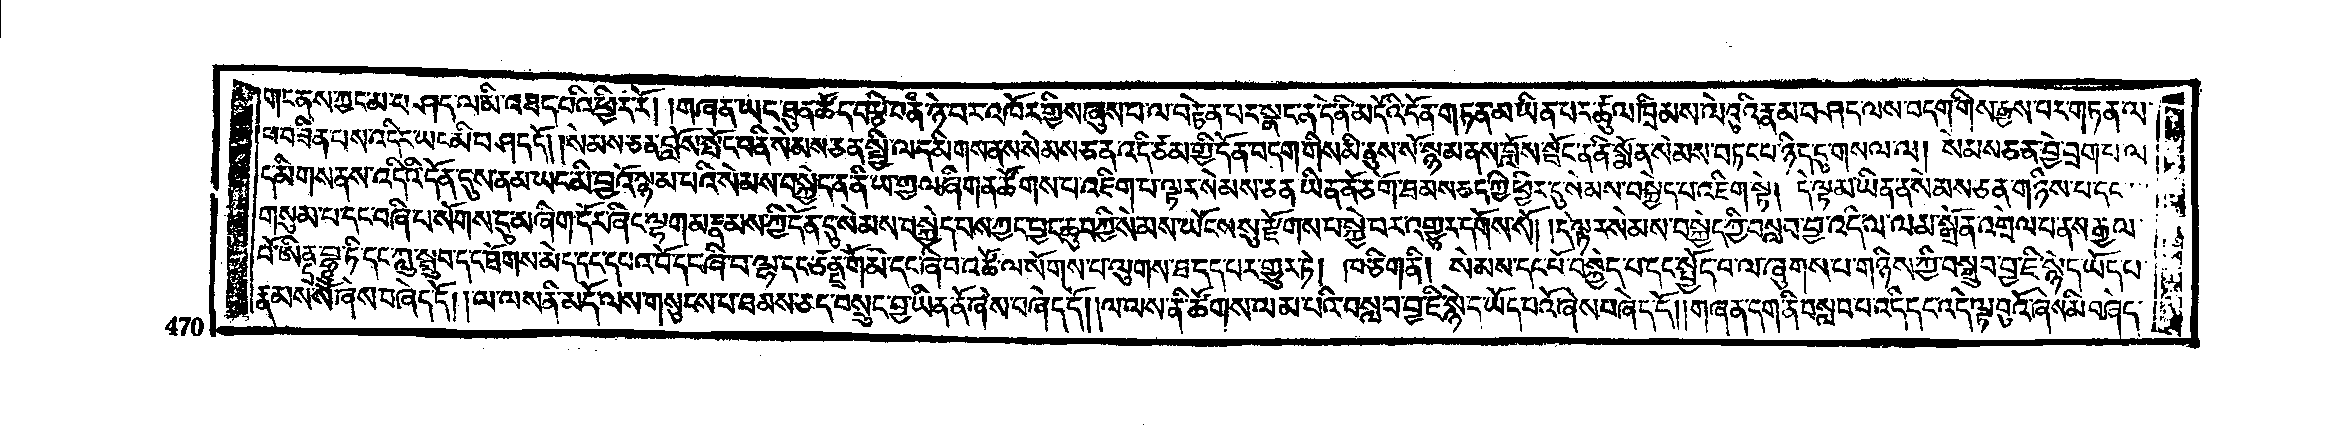གང་ནས་ཀྱང་མ་བཤད་ལ་མི་འཐད་པའི་ཕྱིར་རོ། །གཞན་ཡང་ཐུན་ཚོད་བརྩི་བ་ནི་ཉེ་བར་འཁོར་གྱིས་ཞུས་པ་ལ་བརྟེན་པར་སྣང་ན་དེ་ནི་མདོའི་དོན་གཏན་མ་ཡིན་པར་ཚུལ་ཁྲིམས་ལེའུའི་རྣམ་བཤད་ལས་བདག་གིས་རྒྱས་པར་གཏན་ལ་
ཕབ་ཟིན་པས་འདིར་ཡང་མི་བཤད་དོ། །སེམས་ཅན་བློས་སྤོང་བ་ནི་སེམས་ཅན་སྤྱི་ལ་དམིགས་ནས་སེམས་ཅན་འདི་ཙམ་གྱི་དོན་བདག་གིས་མི་ནུས་སོ་སྙམ་ནས་བློས་སྤོང་ན་ནི་སྨོན་སེམས་བཏང་བ་ཉིད་དུ་གསལ་ལ། སེམས་ཅན་བྱེ་བྲག་པ་ལ་
དམིགས་ནས་འདིའི་དོན་དུས་ནམ་ཡང་མི་བྱའོ་སྙམ་པའི་སེམས་བསྐྱེད་ན་ནི་ཡ་གྱལ་ཞིག་ན་ཚོགས་པ་འཇིག་པ་ལྟར་སེམས་ཅན་ཡིན་ནོ་ཅོག་ཐམས་ཅད་ཀྱི་ཕྱིར་དུ་སེམས་བསྐྱེད་པ་འཇིག་སྟེ། དེ་ལྟ་མ་ཡིན་ན་སེམས་ཅན་གཉིས་པ་དང་
གསུམ་པ་དང་བཞི་པ་སོགས་དུ་མ་ཞིག་དོར་ཞིང་ལྷག་མ་རྣམས་ཀྱི་དོན་དུ་སེམས་བསྐྱེད་པས་ཀྱང་བྱང་ཆུབ་ཀྱི་སེམས་ཡོངས་སུ་རྫོགས་པ་སྐྱེ་བར་འགྱུར་དགོས་སོ། །དེ་ལྟར་སེམས་བསྐྱེད་ཀྱི་བསླབ་བྱ་འདི་ལ་ལམ་སྒྲོན་འགྲེལ་པ་ནས་རྒྱལ་
པོ་ཨིནྡྲ་བྷཱུ་ཏི་དང་ཀླུ་སྒྲུབ་དང་ཐོགས་མེད་དང་དཔའ་བོ་དང་ཞི་བ་ལྷ་དང་ཙནྡྲ་གཽ་མི་དང་ཞི་བ་འཚོ་ལ་སོགས་པ་ལུགས་ཐ་དད་པར་གྱུར་ཏེ། ཁ་ཅིག་ནི། སེམས་དང་པོ་བསྐྱེད་པ་དང་སྤྱོད་པ་ལ་ཞུགས་པ་གཉིས་ཀྱི་བསླབ་བྱ་ཇི་སྙེད་ཡོད་པ་
རྣམས་སོ་ཞེས་བཞེད་དོ། །ལ་ལས་ནི་མདོ་ལས་གསུངས་པ་ཐམས་ཅད་བསྲུང་བྱ་ཡིན་ནོ་ཞེས་བཞེད་དོ། །ལ་ལས་ནི་ཚོགས་ལམ་པའི་བསླབ་བྱ་ཇི་སྙེད་ཡོད་པའོ་ཞེས་བཞེད་དོ། །གཞན་དག་ནི་བསླབ་པ་འདི་དང་འདི་ལྟ་བུའོ་ཞེས་མི་བཞེད་